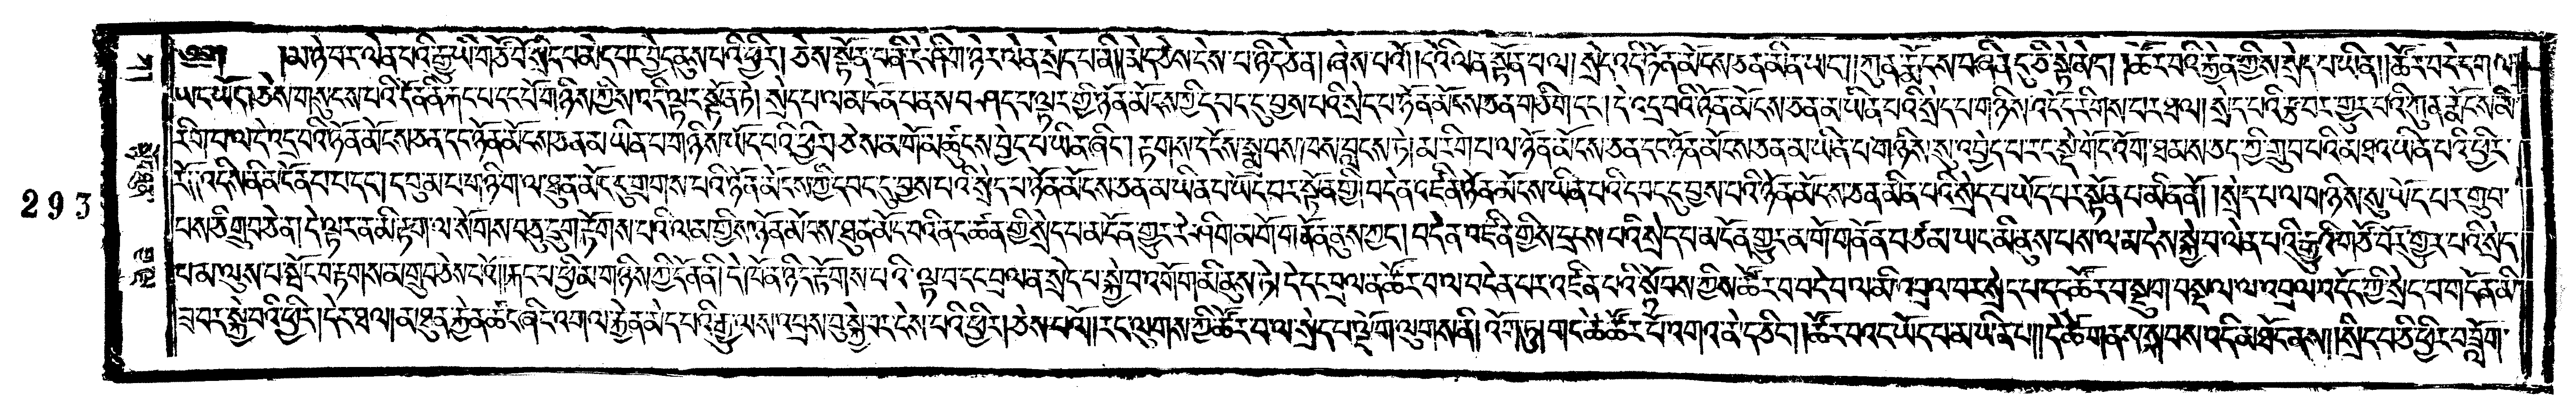༄༅། །མ་ཉེ་བར་ལེན་པའི་རྒྱུ་ཡི་གཙོ་བོ་སྲེད་པ་མེད་པར་བྱེད་ནུས་པའི་ཕྱིར། ཅེས་སྟོན་པ་ནི་རེ་ཤིག་ཉེར་ལེན་སྲེད་པ་ནི། །མེད་ཅེས་ངེས་པ་ཉིད་ཅེ་ན། ཞེས་པའོ། །དེའི་ལན་སྟོན་པ་ལ། སྲེད་འདི་ཉོན་མོངས་ཅན་མིན་ཡང་། །ཀུན་རྨོངས་བཞིན་དུ་ཅི་སྟེ་མེད། །ཚོར་བའི་རྐྱེན་གྱིས་སྲེད་པ་ཡིན། །ཚོར་བ་དེ་དག་ལ་
ཡང་ཡོད། ཅེས་གསུངས་པའི་དོན་ནི་རྐང་པ་དང་པོ་གཉིས་ཀྱིས་འདི་ལྟར་སྟོན་ཏེ། སྲེད་པ་ལ་མངོན་པ་ནས་བཤད་པ་ལྟར་གྱི་ཉོན་མོངས་ཀྱི་དབང་དུ་བྱས་པའི་སྲེད་པ་ཉོན་མོངས་ཅན་གཅིག་དང་། དེ་འདྲ་བའི་ཉོན་མོངས་ཅན་མ་ཡིན་པའི་སྲེད་པ་གཉིས་འདོད་རིགས་པར་ཐལ། སྲེད་པའི་རྩ་བར་གྱུར་པའི་ཀུན་རྨོངས་མི་
རིག་པ་ལ་དེ་འདྲ་བའི་ཉོན་མོངས་ཅན་དང་ཉོན་མོངས་ཅན་མ་ཡིན་པ་གཉིས་ཡོད་པའི་ཕྱིར། ཅེས་མགོ་མཚུངས་བྱེད་པ་ཡིན་ཞིང་། རྟགས་དངོས་སྨྲ་བས་ཁས་བླངས་ཏེ། མ་རིག་པ་ལ་ཉོན་མོངས་ཅན་དང་ཉོན་མོངས་ཅན་མ་ཡིན་པ་གཉིས་སུ་འབྱེད་པ་རང་སྡེ་གོང་འོག་ཐམས་ཅད་ཀྱི་གྲུབ་པའི་མཐའ་ཡིན་པའི་ཕྱིར་
རོ༑ ༑འདིས་ནི་མངོན་པ་པ་དང་། དབུ་མ་པ་གཉི་ག་ལ་ཐུན་མོང་དུ་གྲགས་པའི་ཉོན་མོངས་ཀྱི་དབང་དུ་བྱས་པའི་སྲེད་པ་ཉོན་མོངས་ཅན་མ་ཡིན་པ་ཡོད་བར་སྟོན་གྱི། བདེན་འཛིན་ཉོན་མོངས་ཡིན་པའི་དབང་དུ་བྱས་པའི་ཉོན་མོངས་ཅན་མིན་པའི་སྲེད་པ་ཡོད་པར་སྟོན་པ་མིན་ནོ། །སྲེད་པ་ལ་གཉིས་སུ་ཡོད་པར་གྲུབ་
པས་ཅི་གྲུབ་ཅེ་ན། དེ་ལྟར་ན་མི་རྟག་ལ་སོགས་བཅུ་དྲུག་རྟོགས་པའི་ལམ་གྱིས་ཉོན་མོངས་ཐུན་མོང་བའི་ནང་ཚན་གྱི་སྲེད་པ་མངོན་གྱུར་རེ་ཤིག་མགོ་གནོན་ནུས་ཀྱང་། བདེན་འཛིན་གྱིས་དྲངས་པའི་སྲེད་པ་མངོན་གྱུར་མགོ་གནོན་པ་ཙམ་ཡང་མི་ནུས་པས་ལམ་དེས་སྐྱེ་བ་ལེན་པའི་རྒྱུའི་གཙོ་བོར་གྱུར་པའི་སྲེད་
པ་མ་ལུས་པ་སྤོང་བ་རྟགས་མ་གྲུབ་ཅེས་པའོ། །རྐང་པ་ཕྱི་མ་གཉིས་ཀྱི་དོན་ནི། དེ་ཁོ་ན་ཉིད་རྟོགས་པའི་ལྟ་བ་དང་བྲལ་ན་སྲེད་པ་སྐྱེ་བ་འགོག་མི་ནུས་ཏེ། དེ་དང་བྲལ་ན་ཚོར་བ་ལ་བདེན་པར་འཛིན་པའི་སྟོབས་ཀྱིས་ཚོར་བ་བདེ་བ་ལ་མི་འབྲལ་བར་སྲེད་པ་དང་ཚོར་བ་སྡུག་བསྔལ་ལ་འབྲལ་འདོད་ཀྱི་སྲེད་པ་གདོན་མི་
ཟ་བར་སྐྱེ་བའི་ཕྱིར། དེར་ཐལ། མཐུན་རྐྱེན་ཚང་ཞིང་འགལ་རྐྱེན་མེད་པའི་རྒྱུ་ལས་འབྲས་བུ་སྐྱེ་བར་ངེས་པའི་ཕྱིར། ཅེས་པའོ། །རང་ལུགས་ཀྱི་ཚོར་བ་ལ་སྲེད་པ་ལྡོག་ལུགས་ནི། འོག་ཏུ། གང་ཚེ་ཚོར་པོ་འགའ་མེད་ཅིང་། །ཚོར་བའང་ཡོད་པ་མ་ཡིན་པ། །དེ་ཚེ་གནས་སྐབས་འདི་མཐོང་ནས། །སྲིད་པ་ཅི་ཕྱིར་བཟློག་